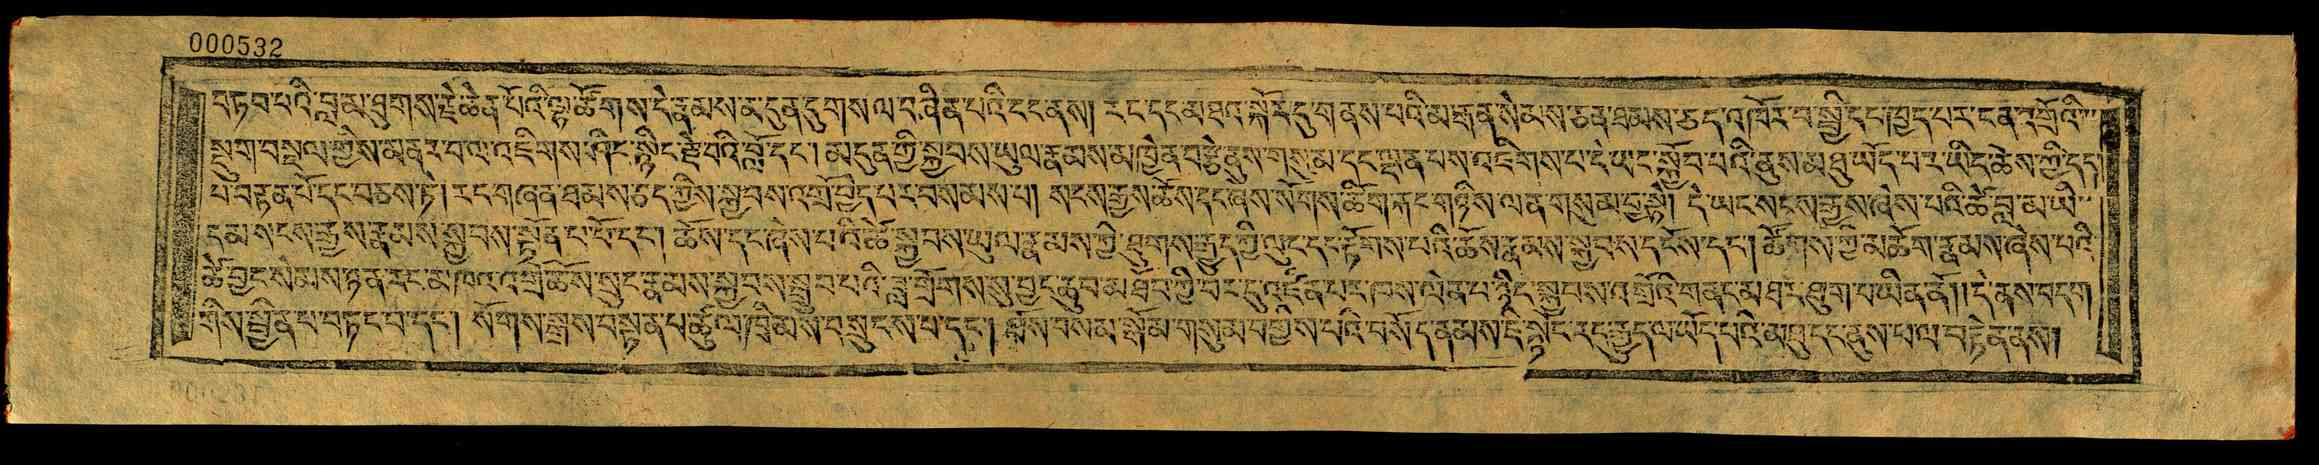བཏབ་པའི་བླ་མ་ཐུགས་རྗེ་ཆེན་པོའི་ལྷ་ཚོགས་དེ་རྣམས་མདུན་དུ་གསལ་བཞིན་པའི་ངང་ནས། རང་དང་མཐའ་སྐོར་དུ་གནས་པའི་མ་རྒན་སེམས་ཅན་ཐམས་ཅད་འཁོར་བ་སྤྱི་དང་ཁྱད་པར་ངན་འགྲོའི་
སྡུག་བསྔལ་གྱིས་མནར་བ་ལ་འཇིགས་ཤིང་སྙིང་རྗེ་བའི་བློ་དང་། མདུན་གྱི་སྐྱབས་ཡུལ་རྣམས་མཁྱེན་བརྩེ་ནུས་གསུམ་དང་ལྡན་པས་འཇིགས་པ་དེ་ལས་སྐྱོབ་པའི་ནུས་མཐུ་ཡོད་པར་ཡིད་ཆེས་ཀྱི་དང་
པ་བརྟན་པོ་དང་བཅས་ཏེ། རང་གཞན་ཐམས་ཅད་ཀྱིས་སྐྱབས་འགྲོ་བྱེད་པར་བསམས་ལ། སངས་རྒྱས་ཆོས་དང་ཞེས་སོགས་ཚིག་རྐང་གཉིས་ལན་གསུམ་བྱ་སྟེ། དེ་ཡང་སངས་རྒྱས་ཞེས་པའི་ཚེ་བླ་མ་ཡི་
དམ་སངས་རྒྱས་རྣམས་སྐྱབས་སྟོན་པ་པོ་དང་། ཆོས་དང་ཞེས་པའི་ཚེ་སྐྱབས་ཡུལ་རྣམས་ཀྱི་ཐུགས་རྒྱུད་ཀྱི་ལུང་དང་རྟོགས་པའི་ཆོས་རྣམས་སྐྱབས་དངོས་དང་། ཚོགས་ཀྱི་མཆོག་རྣམས་ཞེས་པའི་
ཚེ་བྱང་སེམས་ཉན་རང་མཁའ་འགྲོ་ཆོས་སྲུང་རྣམས་སྐྱབས་སྒྲུབ་པའི་ཟླ་གྲོགས་སུ་བྱང་ཆུབ་མ་ཐོབ་ཀྱི་བར་དུ་འཛིན་པར་ཁས་ལེན་པ་ཉིད་སྐྱབས་འགྲོའི་གནང་མཐར་ཐུག་པ་ཡིན་ནོ། །དེ་ནས་བདག་
གིས་སྦྱིན་པ་བཏང་བ་དང་། སོགས་སྒྲས་བསྟན་པ་ཚུལ་ཁྲིམས་བསྲུངས་པ་དང་། ཐོས་བསམ་སྒོམ་གསུམ་བགྱིས་པའི་བསོད་ནམས་ཇི་སྙེད་རང་རྒྱུད་ལ་ཡོད་པའི་མཐུ་དང་ནུས་པ་ལ་བརྟེན་ནས།